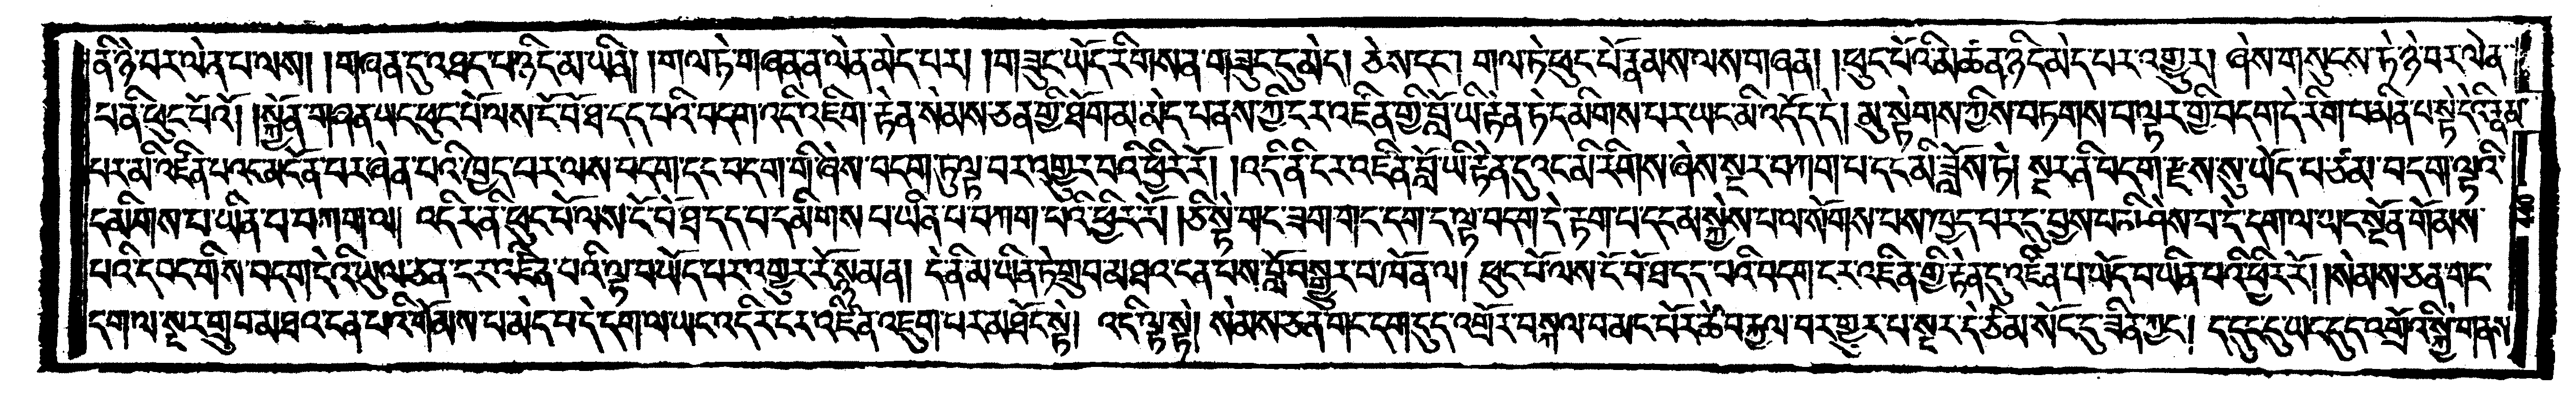ནི་ཉེ་བར་ལེན་པ་ལས། །གཞན་དུ་འཐད་པ་ཉིད་མ་ཡིན། གལ་ཏེ་གཞན་ན་ལེན་མེད་པར། །གཟུང་ཡོད་རིགས་ན་གཟུང་དུ་མེད། ཅེས་དང་། གལ་ཏེ་ཕུང་པོ་རྣམས་ལས་གཞན། །ཕུང་པོའི་མཚན་ཉིད་མེད་པར་འགྱུར། ཞེས་གསུངས་ཏེ་ཉེ་བར་ལེན་
པ་ནི་ཕུང་པོའོ། །སྐྱོན་གཞན་ཡང་ཕུང་པོ་ལས་ངོ་བོ་ཐ་དད་པའི་བདག་འདི་འཇིག་རྟེན་སེམས་ཅན་གྱི་ཐོག་མ་མེད་པ་ནས་ཀྱི་ངར་འཛིན་གྱི་བློ་ཡི་རྟེན་ཏེ་དམིགས་པར་ཡང་མི་འདོད་དེ། མུ་སྟེགས་ཀྱིས་བཏགས་པ་ལྟར་གྱི་བདག་དེ་རིག་པ་མིན་པ་སྟེ་དེའི་རྣམ་
པར་མི་འཛིན་པའང་མངོན་པར་ཞེན་པའི་ཁྱད་པར་ལས་བདག་དང་བདག་གི་ཞེས་བདག་ཏུ་ལྟ་བར་འགྱུར་བའི་ཕྱིར་རོ། །འདི་ནི་ངར་འཛིན་བློ་ཡི་རྟེན་དུའང་མི་རིགས་ཞེས་སྔར་བཀག་པ་དང་མི་ཟློས་ཏེ། སྔར་ནི་བདག་རྫས་སུ་ཡོད་པ་ཙམ་བདག་ལྟའི་
དམིགས་པ་ཡིན་པ་བཀག་ལ། འདིར་ནི་ཕུང་པོ་ལས་ངོ་བོ་ཐ་དད་པ་དམིགས་པ་ཡིན་པ་བཀག་པའི་ཕྱིར་རོ། །ཅི་སྟེ་གང་ཟག་གང་དག་ད་ལྟ་བདག་དེ་རྟག་པ་དང་མ་སྐྱེས་པ་ལ་སོགས་པས་ཁྱད་པར་དུ་བྱས་པ་མི་ཤེས་པ་དེ་དག་ལ་ཡང་སྔོན་གོམས་
པའི་དབང་གིས་བདག་དེའི་ཡུལ་ཅན་ངར་འཛིན་པའི་ལྟ་བ་ཡོད་པར་འགྱུར་རོ་སྙམ་ན། དེ་ནི་མ་ཡིན་ཏེ་གྲུབ་མཐའ་ངན་པས་བློ་བསྒྱུར་བ་ཁོ་ན་ལ། ཕུང་པོ་ལས་ངོ་བོ་ཐ་དད་པའི་བདག་ངར་འཛིན་གྱི་རྟེན་དུ་འཛིན་པ་ཡོད་པ་ཡིན་པའི་ཕྱིར་རོ། །སེམས་ཅན་གང་
དག་ལ་སྔར་གྲུབ་མཐའ་ངན་པའི་གོམས་པ་མེད་པ་དེ་དག་ལ་ཡང་འདིར་ངར་འཛིན་འཇུག་པར་མཐོང་སྟེ། འདི་ལྟ་སྟེ། སེམས་ཅན་གང་དག་དུད་འགྲོར་བསྐལ་པ་མང་པོར་ཚེ་བརྒྱལ་བར་གྱུར་པ་སྔར་དེ་ཙམ་སོང་དུ་ཟིན་ཀྱང་། ད་དུང་དུ་ཡང་དུད་འགྲོའི་སྐྱེ་གནས་